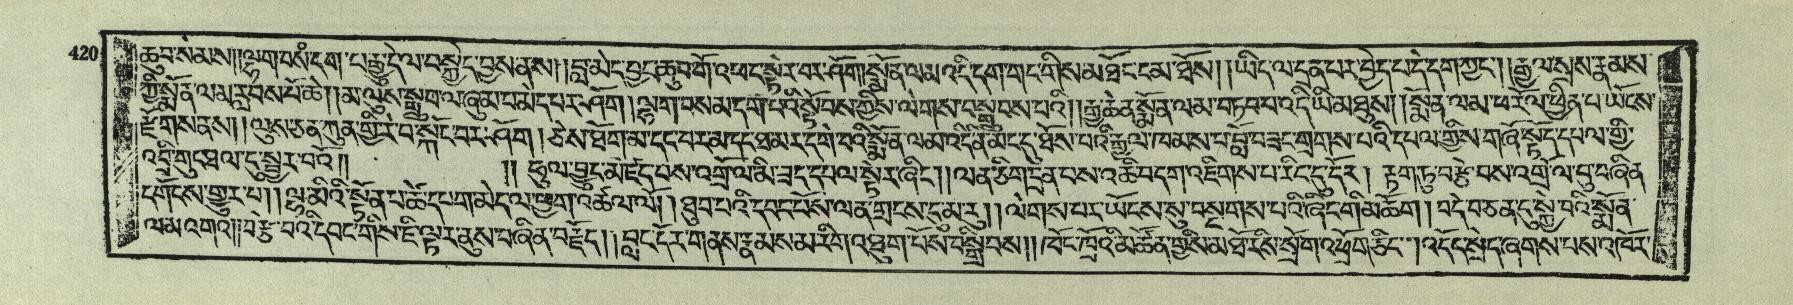ཆུབ་སེམས། །ལྷག་བསཾ་དག་པ་རྒྱུ་དེ་ལ་བསྐྱེད་བྱས་ནས། །བླ་མེད་བྱང་ཆུབ་གོ་འཕང་སྟེར་བར་ཤོག །སྨོན་ལམ་འདི་དག་གང་གིས་མཐོང་ངམ་ཐོས། །ཡིད་ལ་དྲན་པར་བྱེད་པ་དེ་དག་ཀྱང་། །རྒྱལ་སྲས་རྣམས་
ཀྱི་སྨོན་ལམ་རླབས་པོ་ཆེ། །མ་ལུས་སྒྲུབ་ལ་ཞུམ་པ་མེད་པར་ཤོག །ལྷག་བསམ་དག་པའི་སྟོབས་ཀྱིས་ལེགས་བསྒྲུབས་པའི། །རྒྱ་ཆེན་སྨོན་ལམ་བཏབ་པ་འདི་ཡི་མཐུས། །སྨོན་ལམ་ཕ་རོལ་ཕྱིན་པ་ཡོངས་
རྫོགས་ནས། །ལུས་ཅན་ཀུན་གྱི་རེ་བ་སྐོང་བར་ཤོག །ཅེས་ཐོག་མ་དང་བར་མ་དང་ཐ་མར་དགེ་བའི་སྨོན་ལམ་འདི་ནི་མང་དུ་ཐོས་པའི་རྒྱལ་ཁམས་པ་བློ་བཟང་གྲགས་པའི་དཔལ་གྱིས་གཞོ་སྟོད་དཔལ་གྱི་
འབྲི་གུང་ཐལ་དུ་སྦྱར་བའོ།། །།ཧུལ་བྱུང་མཛད་པས་འགྲོ་ལ་མི་ཟད་དཔལ་སྟེར་ཞིང་། །ལན་ཅིག་དྲན་པས་འཆི་བདག་འཇིགས་པ་རིང་དུ་དོར། རྟག་ཏུ་བརྩེ་བས་འགྲོ་ལ་བུ་བཞིན་
དགོངས་གྱུར་པ། །ལྷ་མིའི་སྟོན་པ་ཚེ་དཔག་མེད་ལ་ཕྱག་འཚལ་ལོ། །ཐུབ་པའི་དབང་པོས་ལན་གྲངས་དུ་མ་རུ། །ལེགས་པར་ཡོངས་སུ་བསྔགས་པའི་ཞིང་གི་མཆོག །བདེ་བ་ཅན་དུ་སྐྱེ་བའི་སྨོན་
ལམ་འགའ། །བརྩེ་བའི་དབང་གིས་ཇི་ལྟར་ནུས་བཞིན་བརྗོད། །བླང་དོར་གནས་རྣམས་མ་རིག་འཐུག་པོས་བསྒྲིབས། །ཁོང་ཁྲོའི་མཚོན་གྱིས་མཐོ་རིས་སྲོག་འཕྲོག་ཅིང་། འདོད་སྲེད་ཞགས་པས་འཁོར་